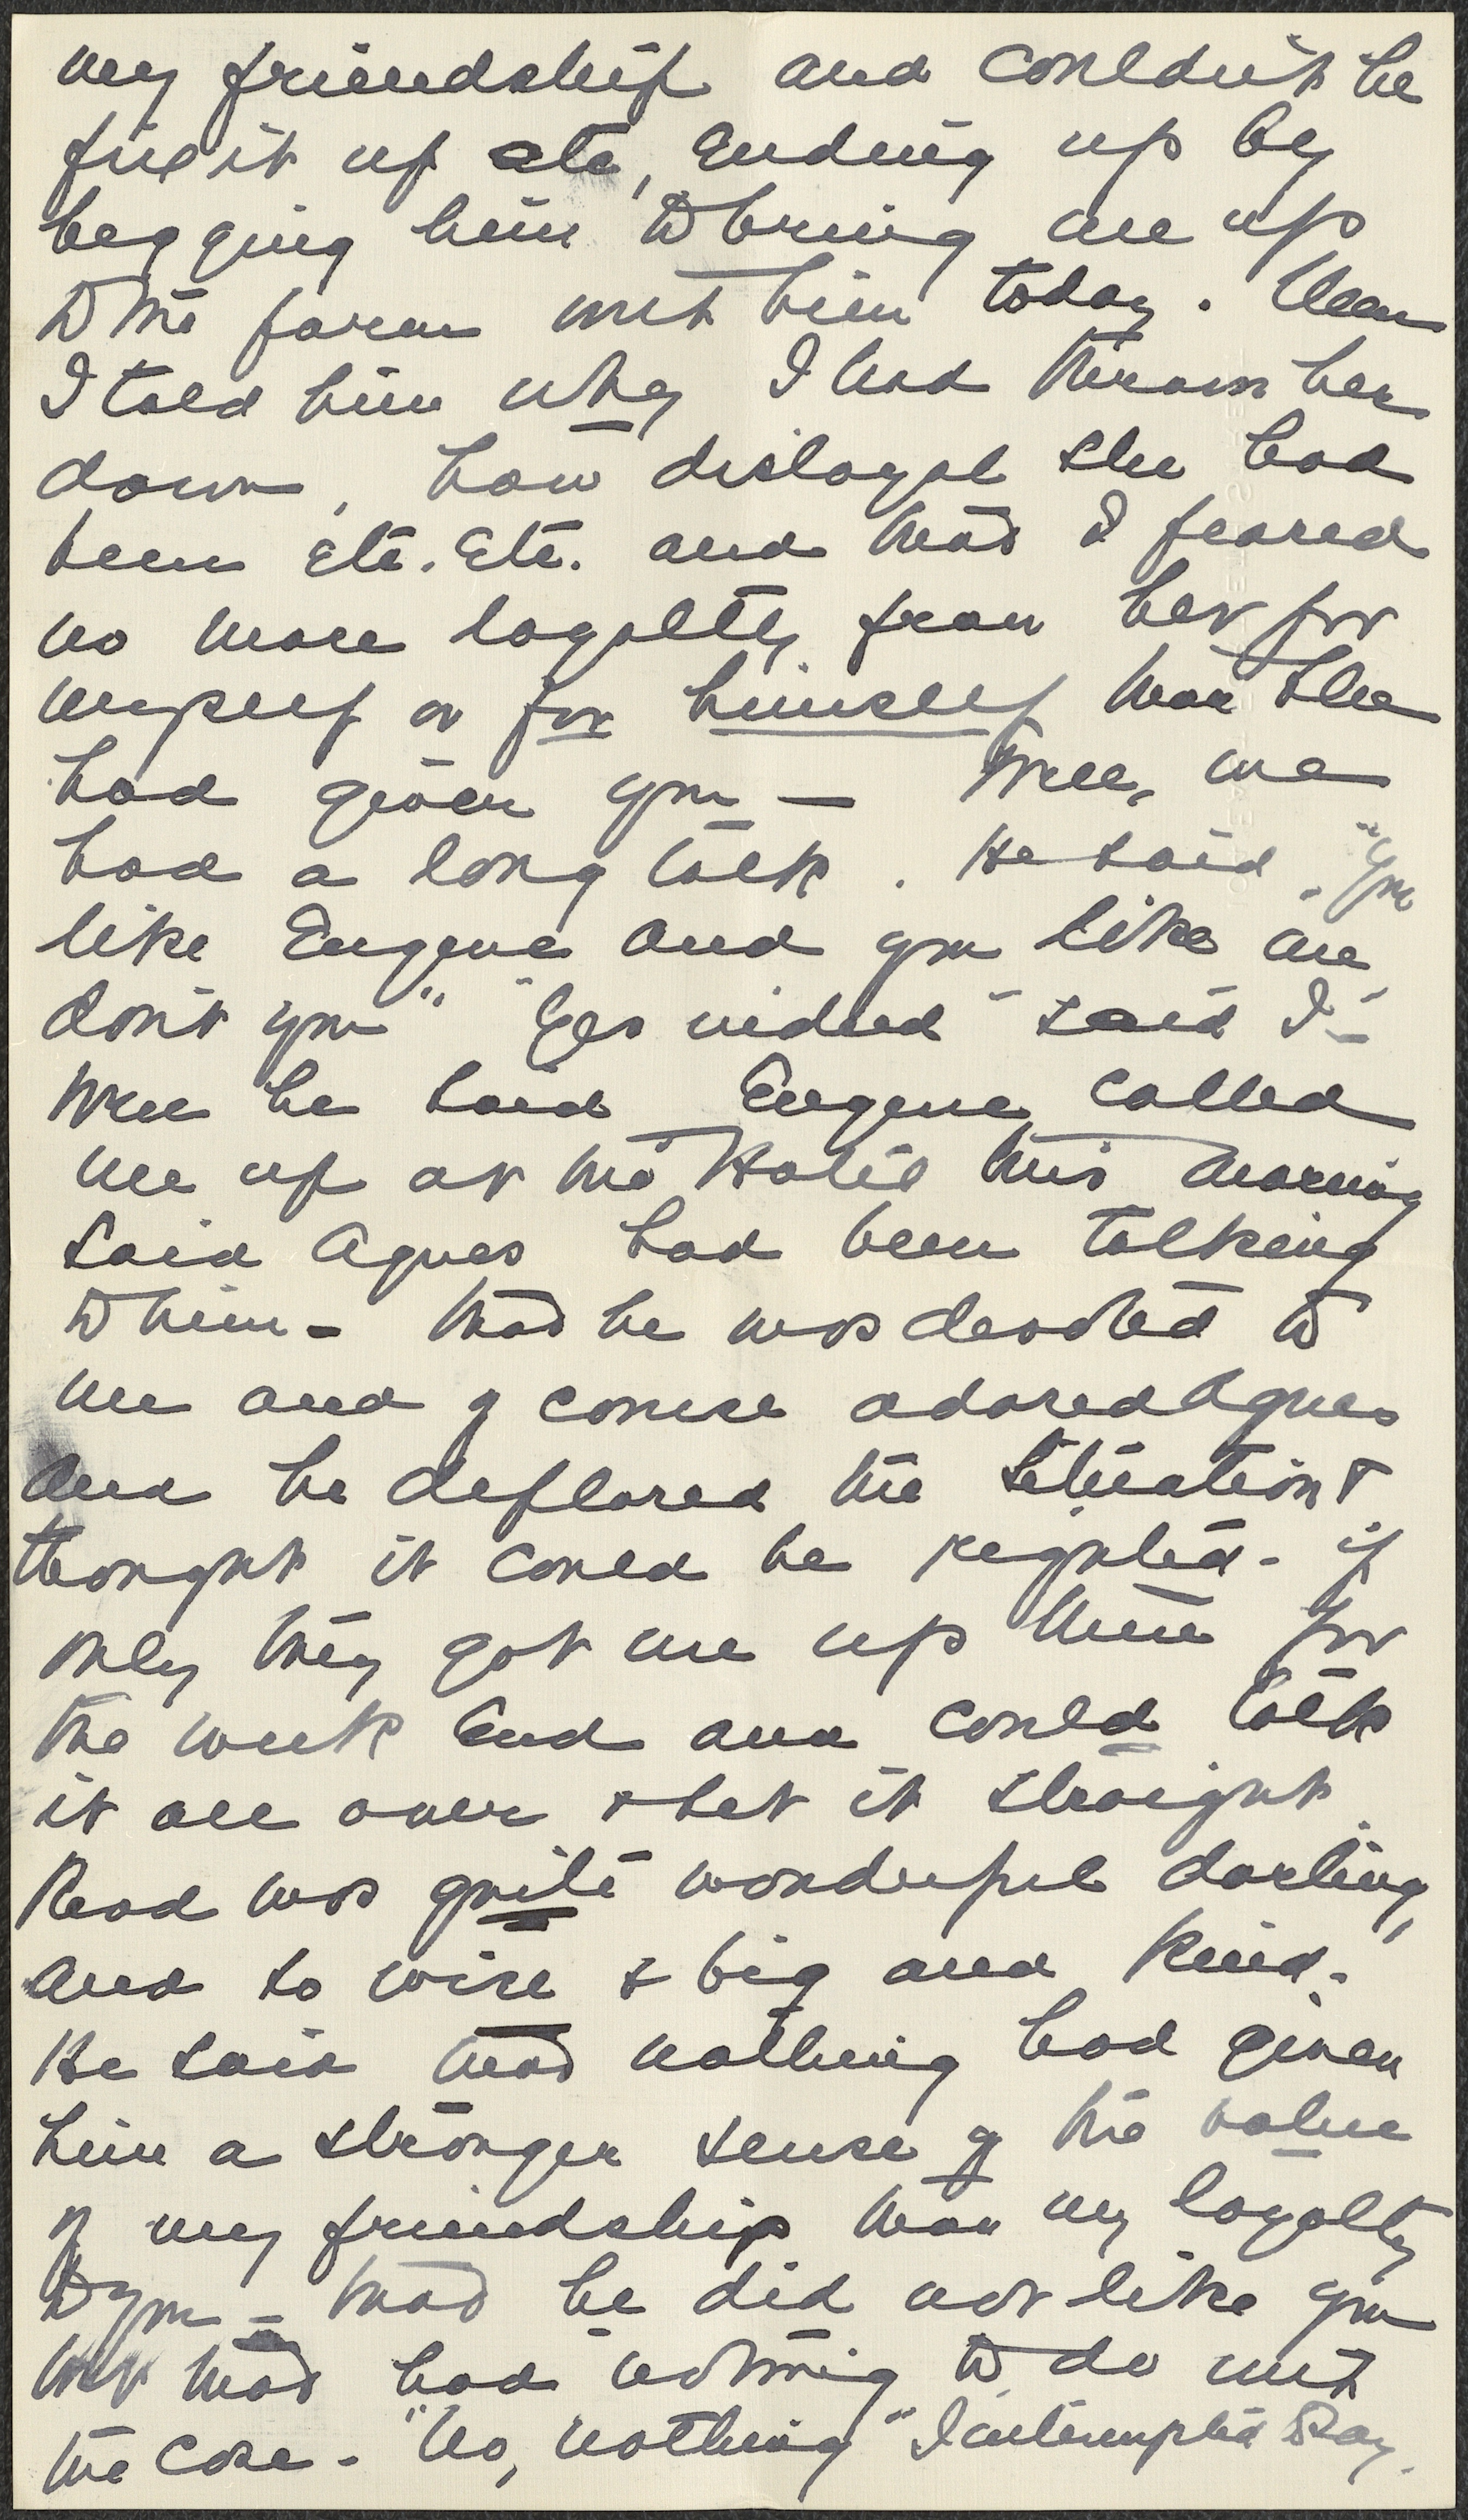my friendship and couldn't he fix it up etc, ending up by begging him to bring me up to the farm with him today. When I told him why I had thrown her down, how disloyal she had been etc. etc. and that I feared no more loyalty from her for myself or for himself than she had given you – Well, we had a long talk. He said, "You like Eugene and you like me, don't you" "Yes indeed" said I – well he said Eugene called me up at his Hotel this morning said Agnes had been talking to him – that he was devoted to me and of course adored Agnes and he deplored the situation & thought it could be righted – if only they got me up there for the week end and could talk it all over & set it straight. Read was [double underlined: quite] wonderful darling, and so nice & big and kind – He said that nothing had given him a stronger sense of the value of my friendship than my loyalty to you – that he did not like you but that had nothing to do with the case – "No, nothing" I interrupted to say,